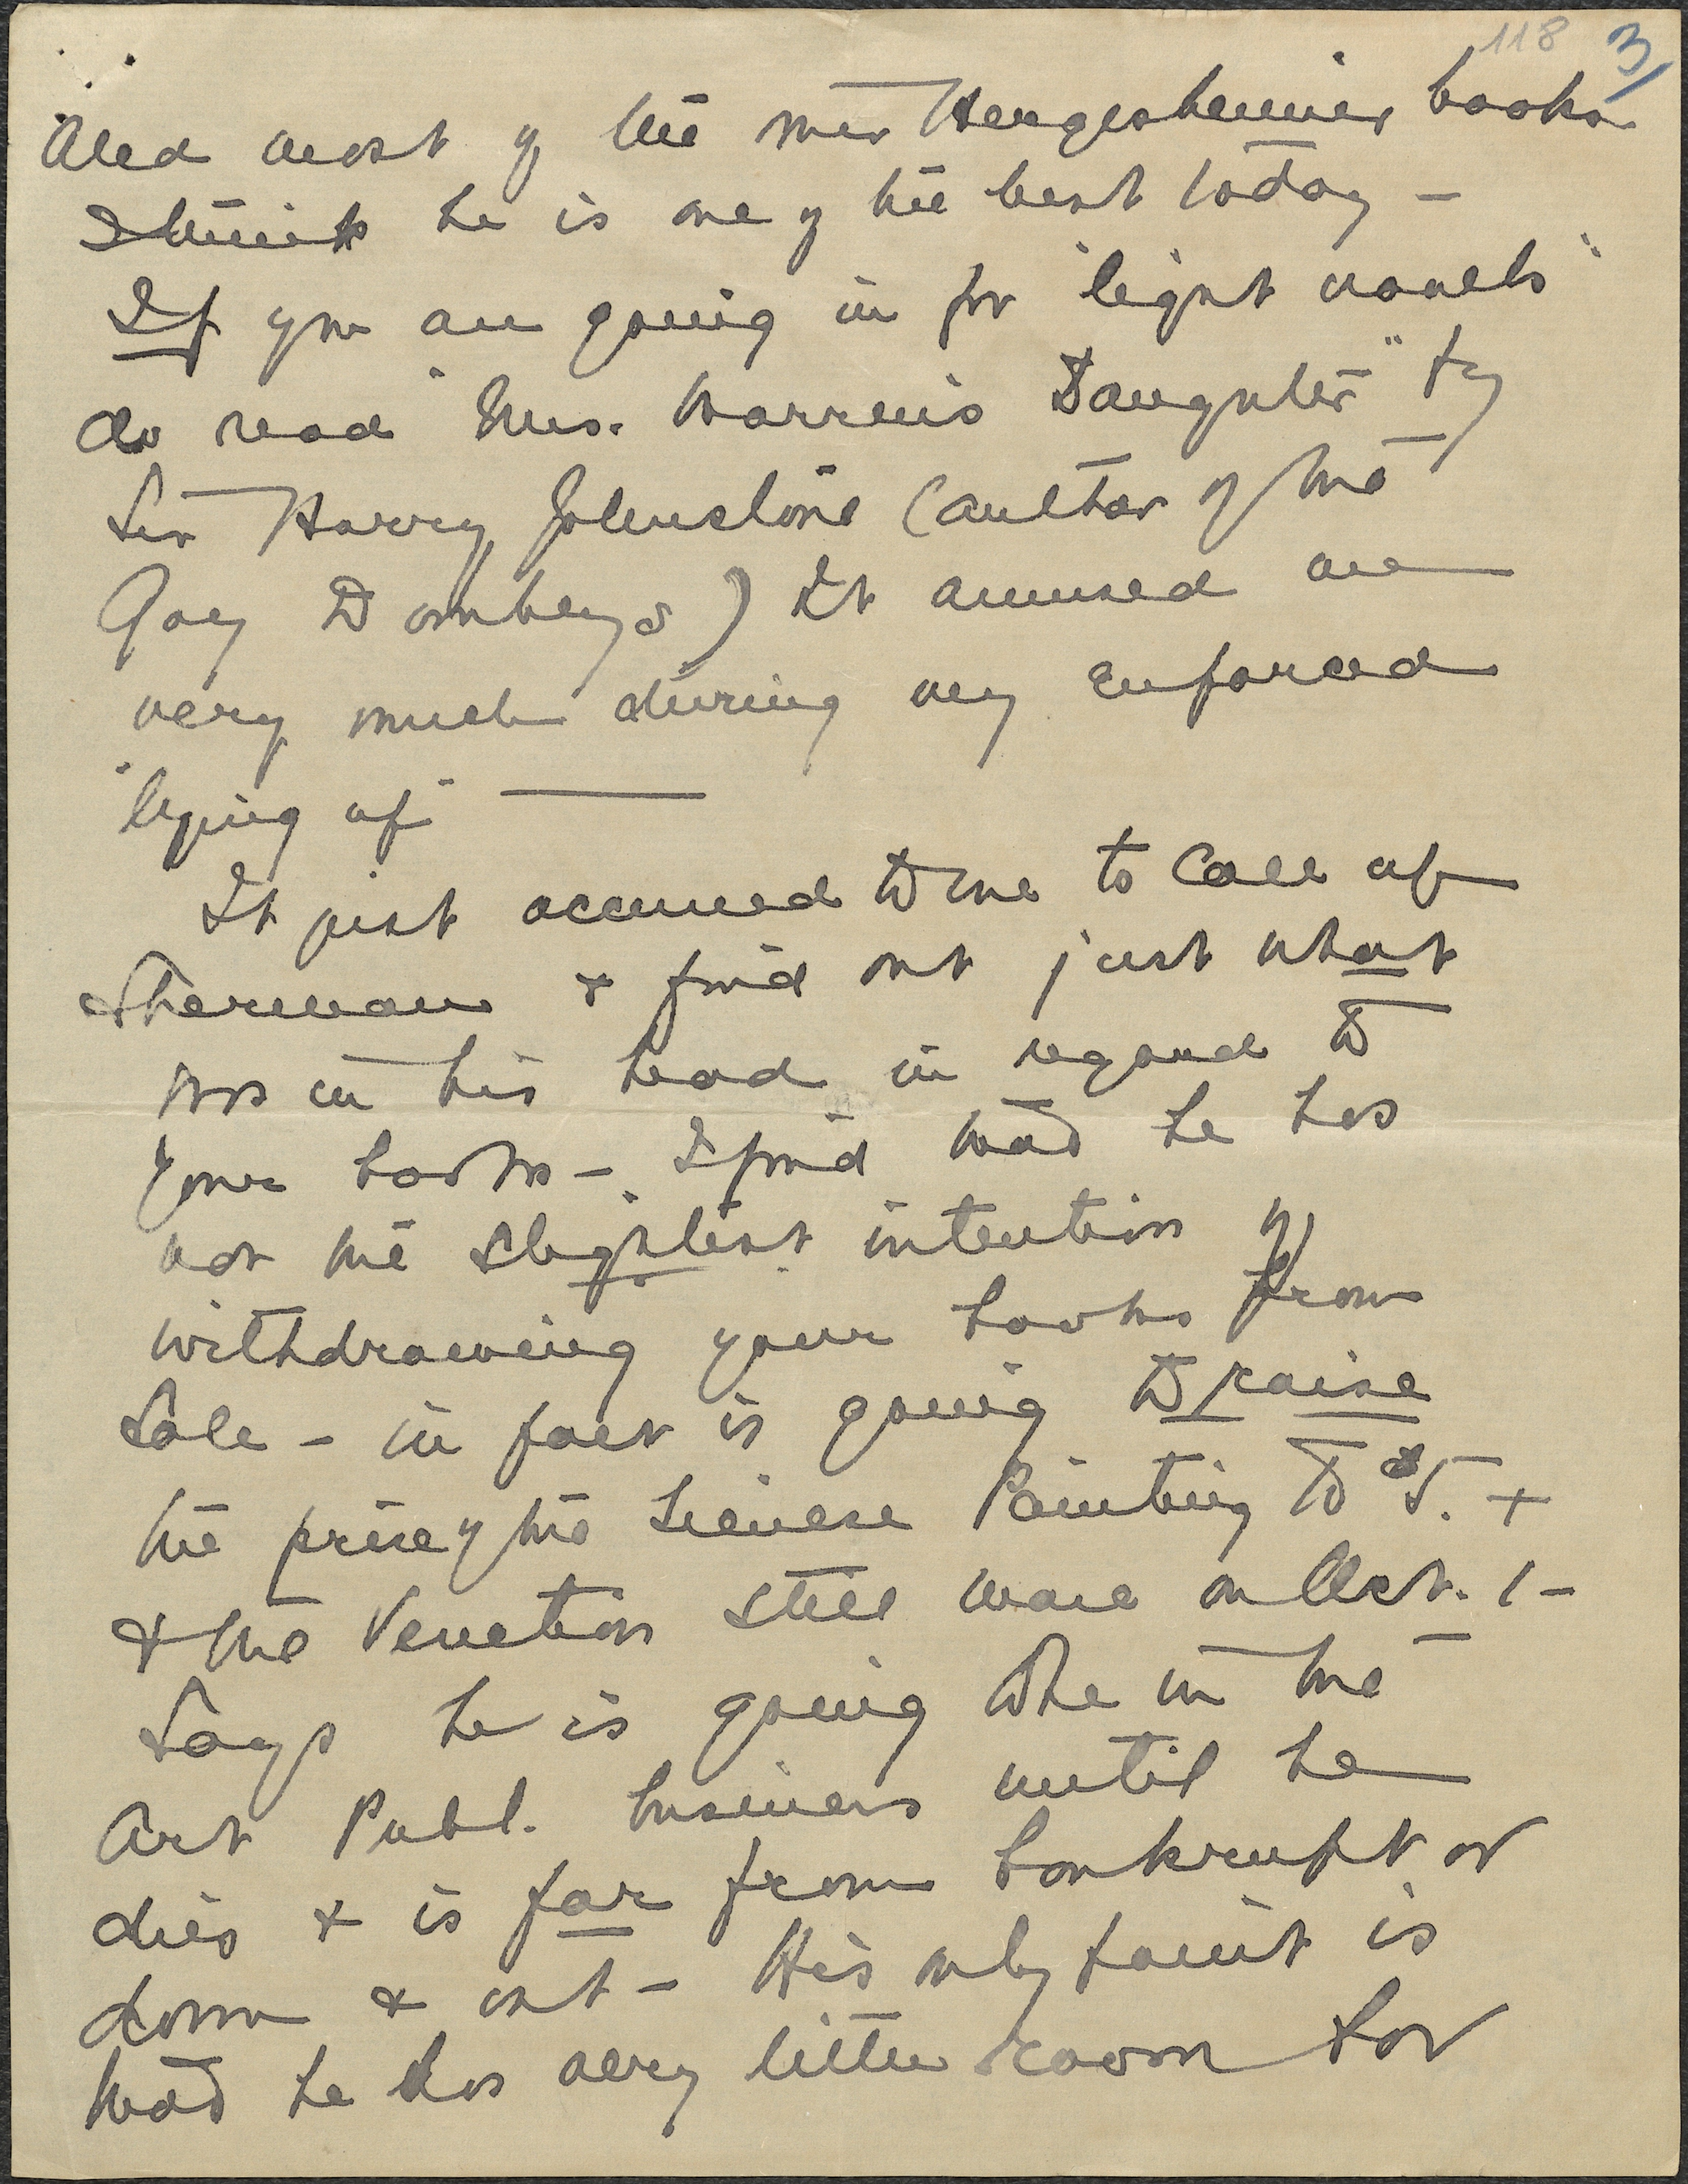[in blue pencil: 3]
Need most of the other Hergeshimer books –
I think he is one of the best today –
If you are going in for "light novels" do read "Mrs. Warren's Daughter" by Sir Harry Johnstons (author of the Gay Dombeys) It amused me very much during my enforced "lying up" –
It just occurred to me to call up Sherman & find out just what was in his head in regard to your books – I find that he has not the slightest intention of withdrawing your books from sale – in fact is going to raise the price of the Sienese Painting to $5.+ & the Venetian Still more on Oct.1 –
Says he is going to be in the Art Publ. business until he dies & is far from bankrupt or down & out – His only point is that he has very little room for